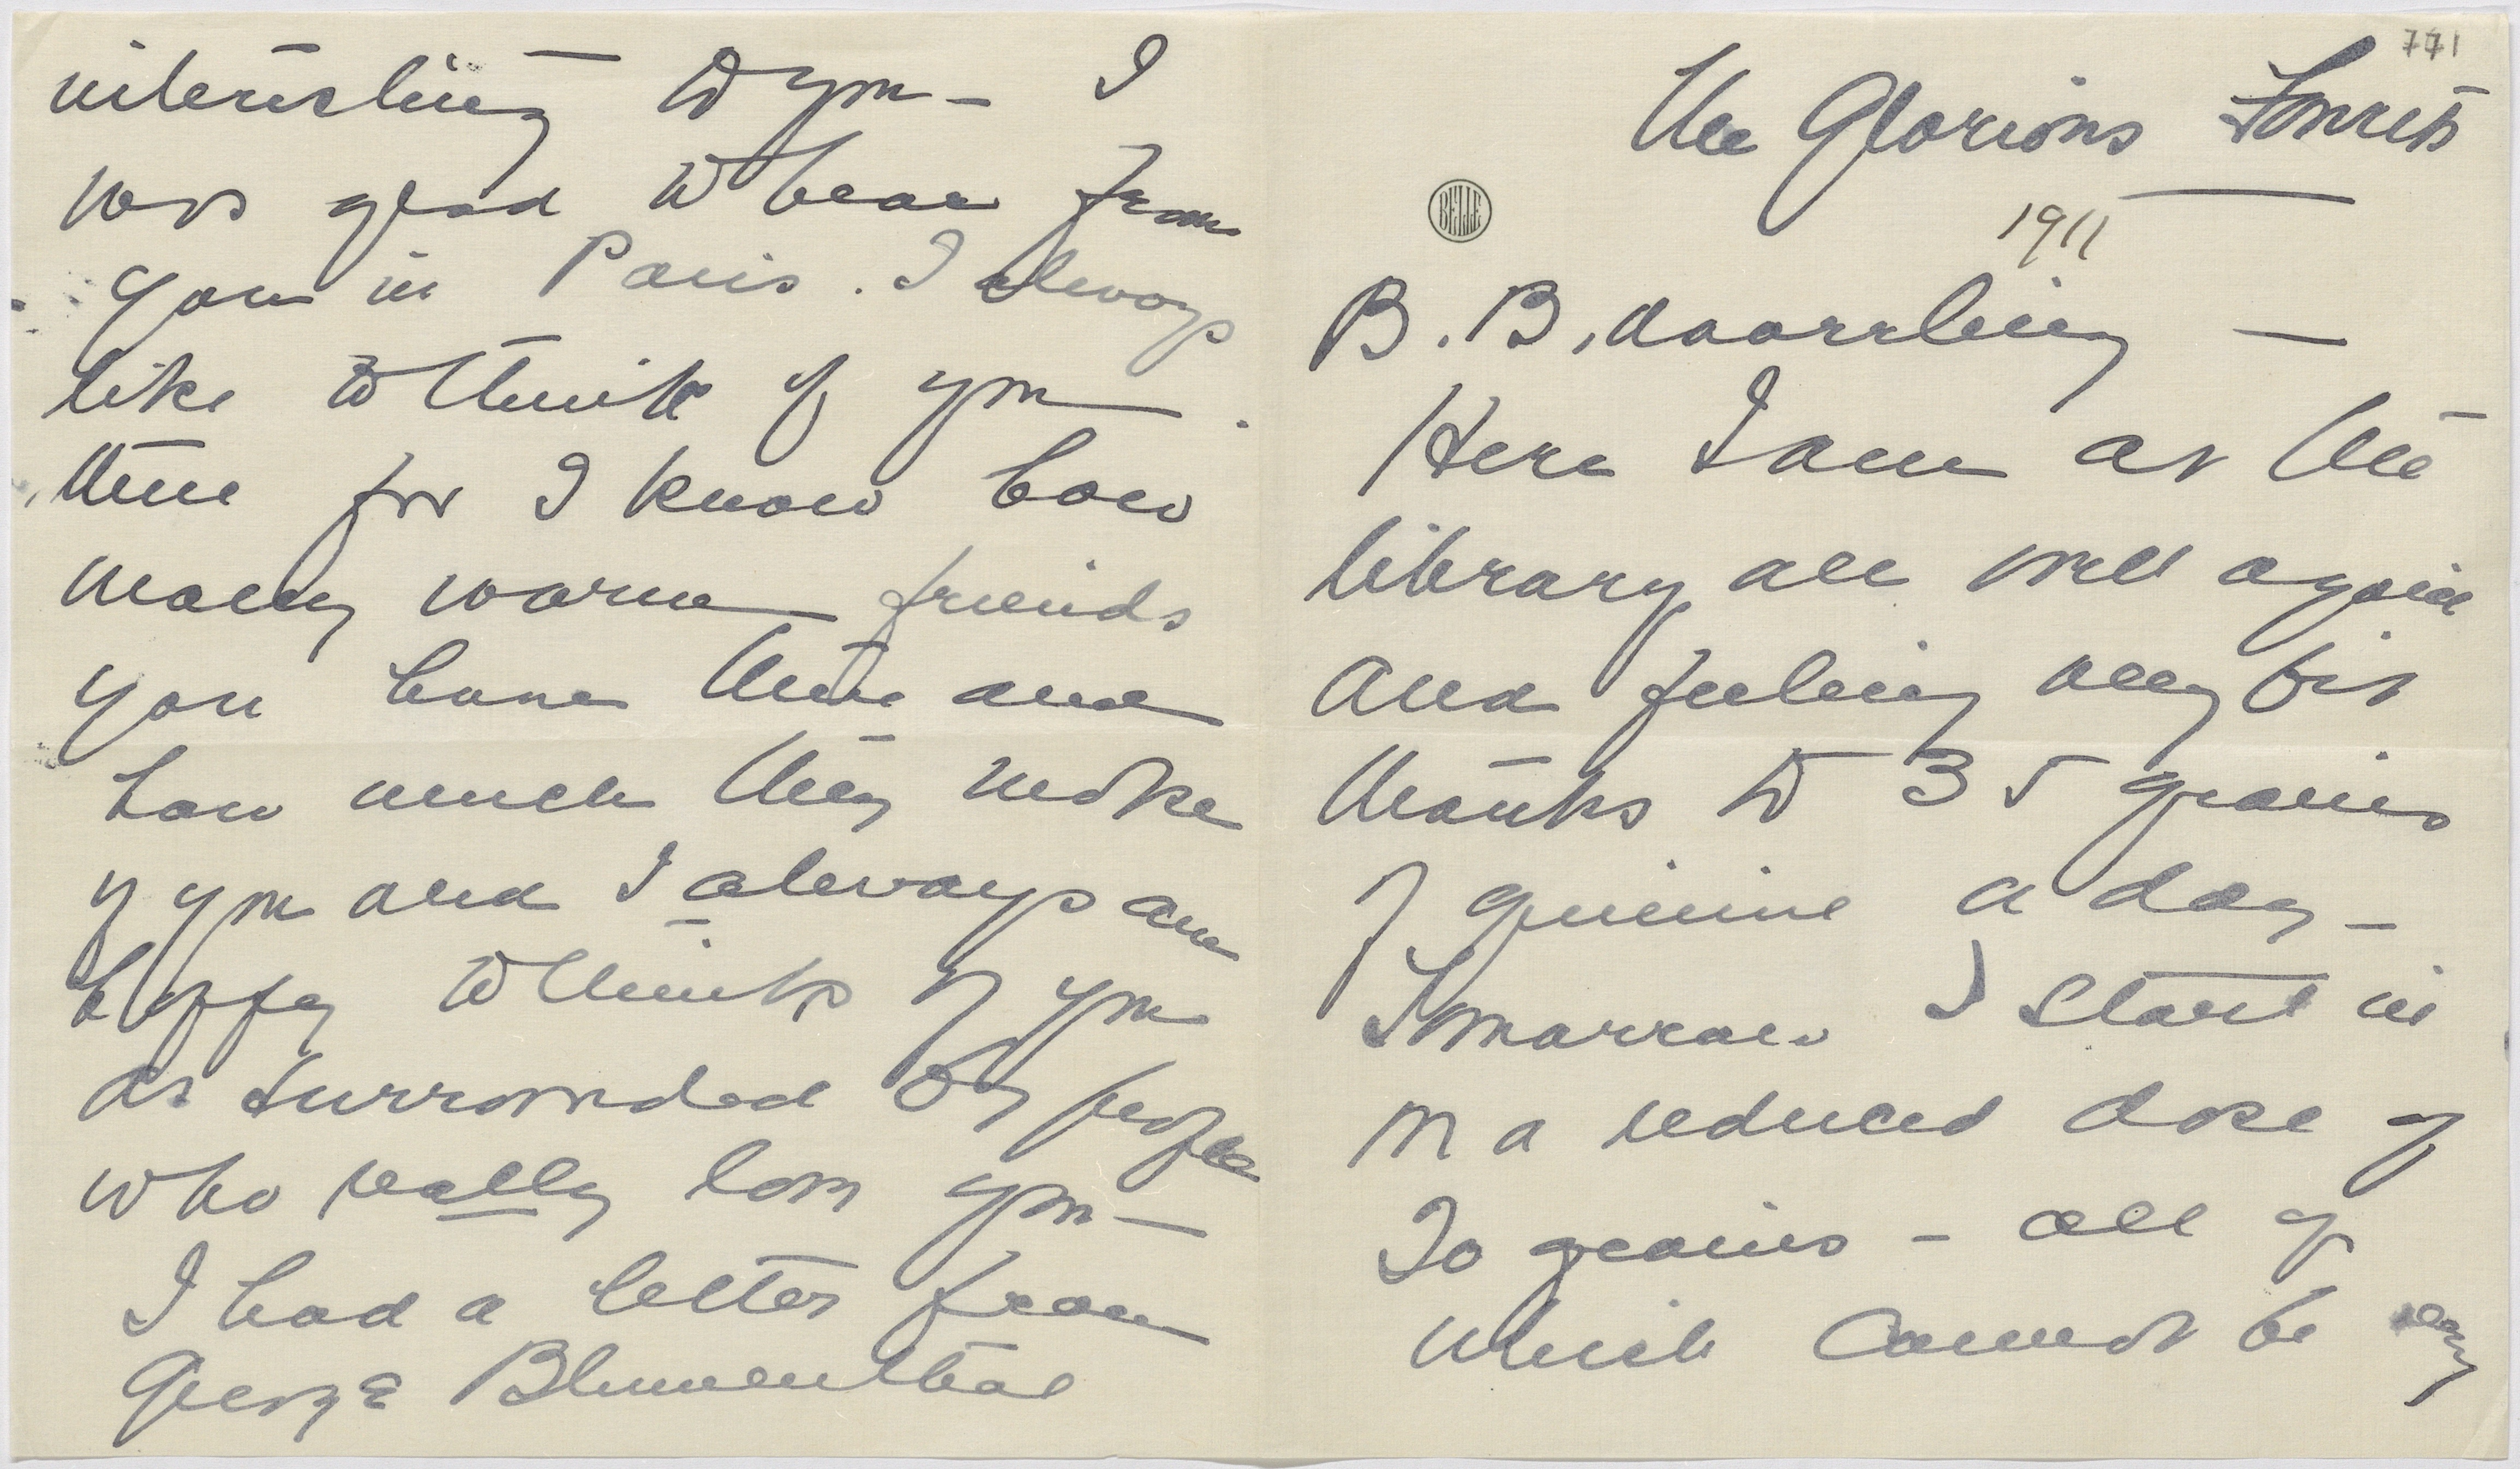The Glorious Fourth
⸺
B. B. daarrling –
Here I am at the library all well again and feeling very fit thanks to 35 grains of quinine a day – Tomorrow I start in on a reduced dose of 20 grains – all of which cannot be very
interesting to you – I was glad to hear from you in Paris. I always like to think of you there for I know how many warm friends you have there and how much they make of you and I always am happy to think of you as surrounded by people who really love you –
I had a letter from George Blumenthal